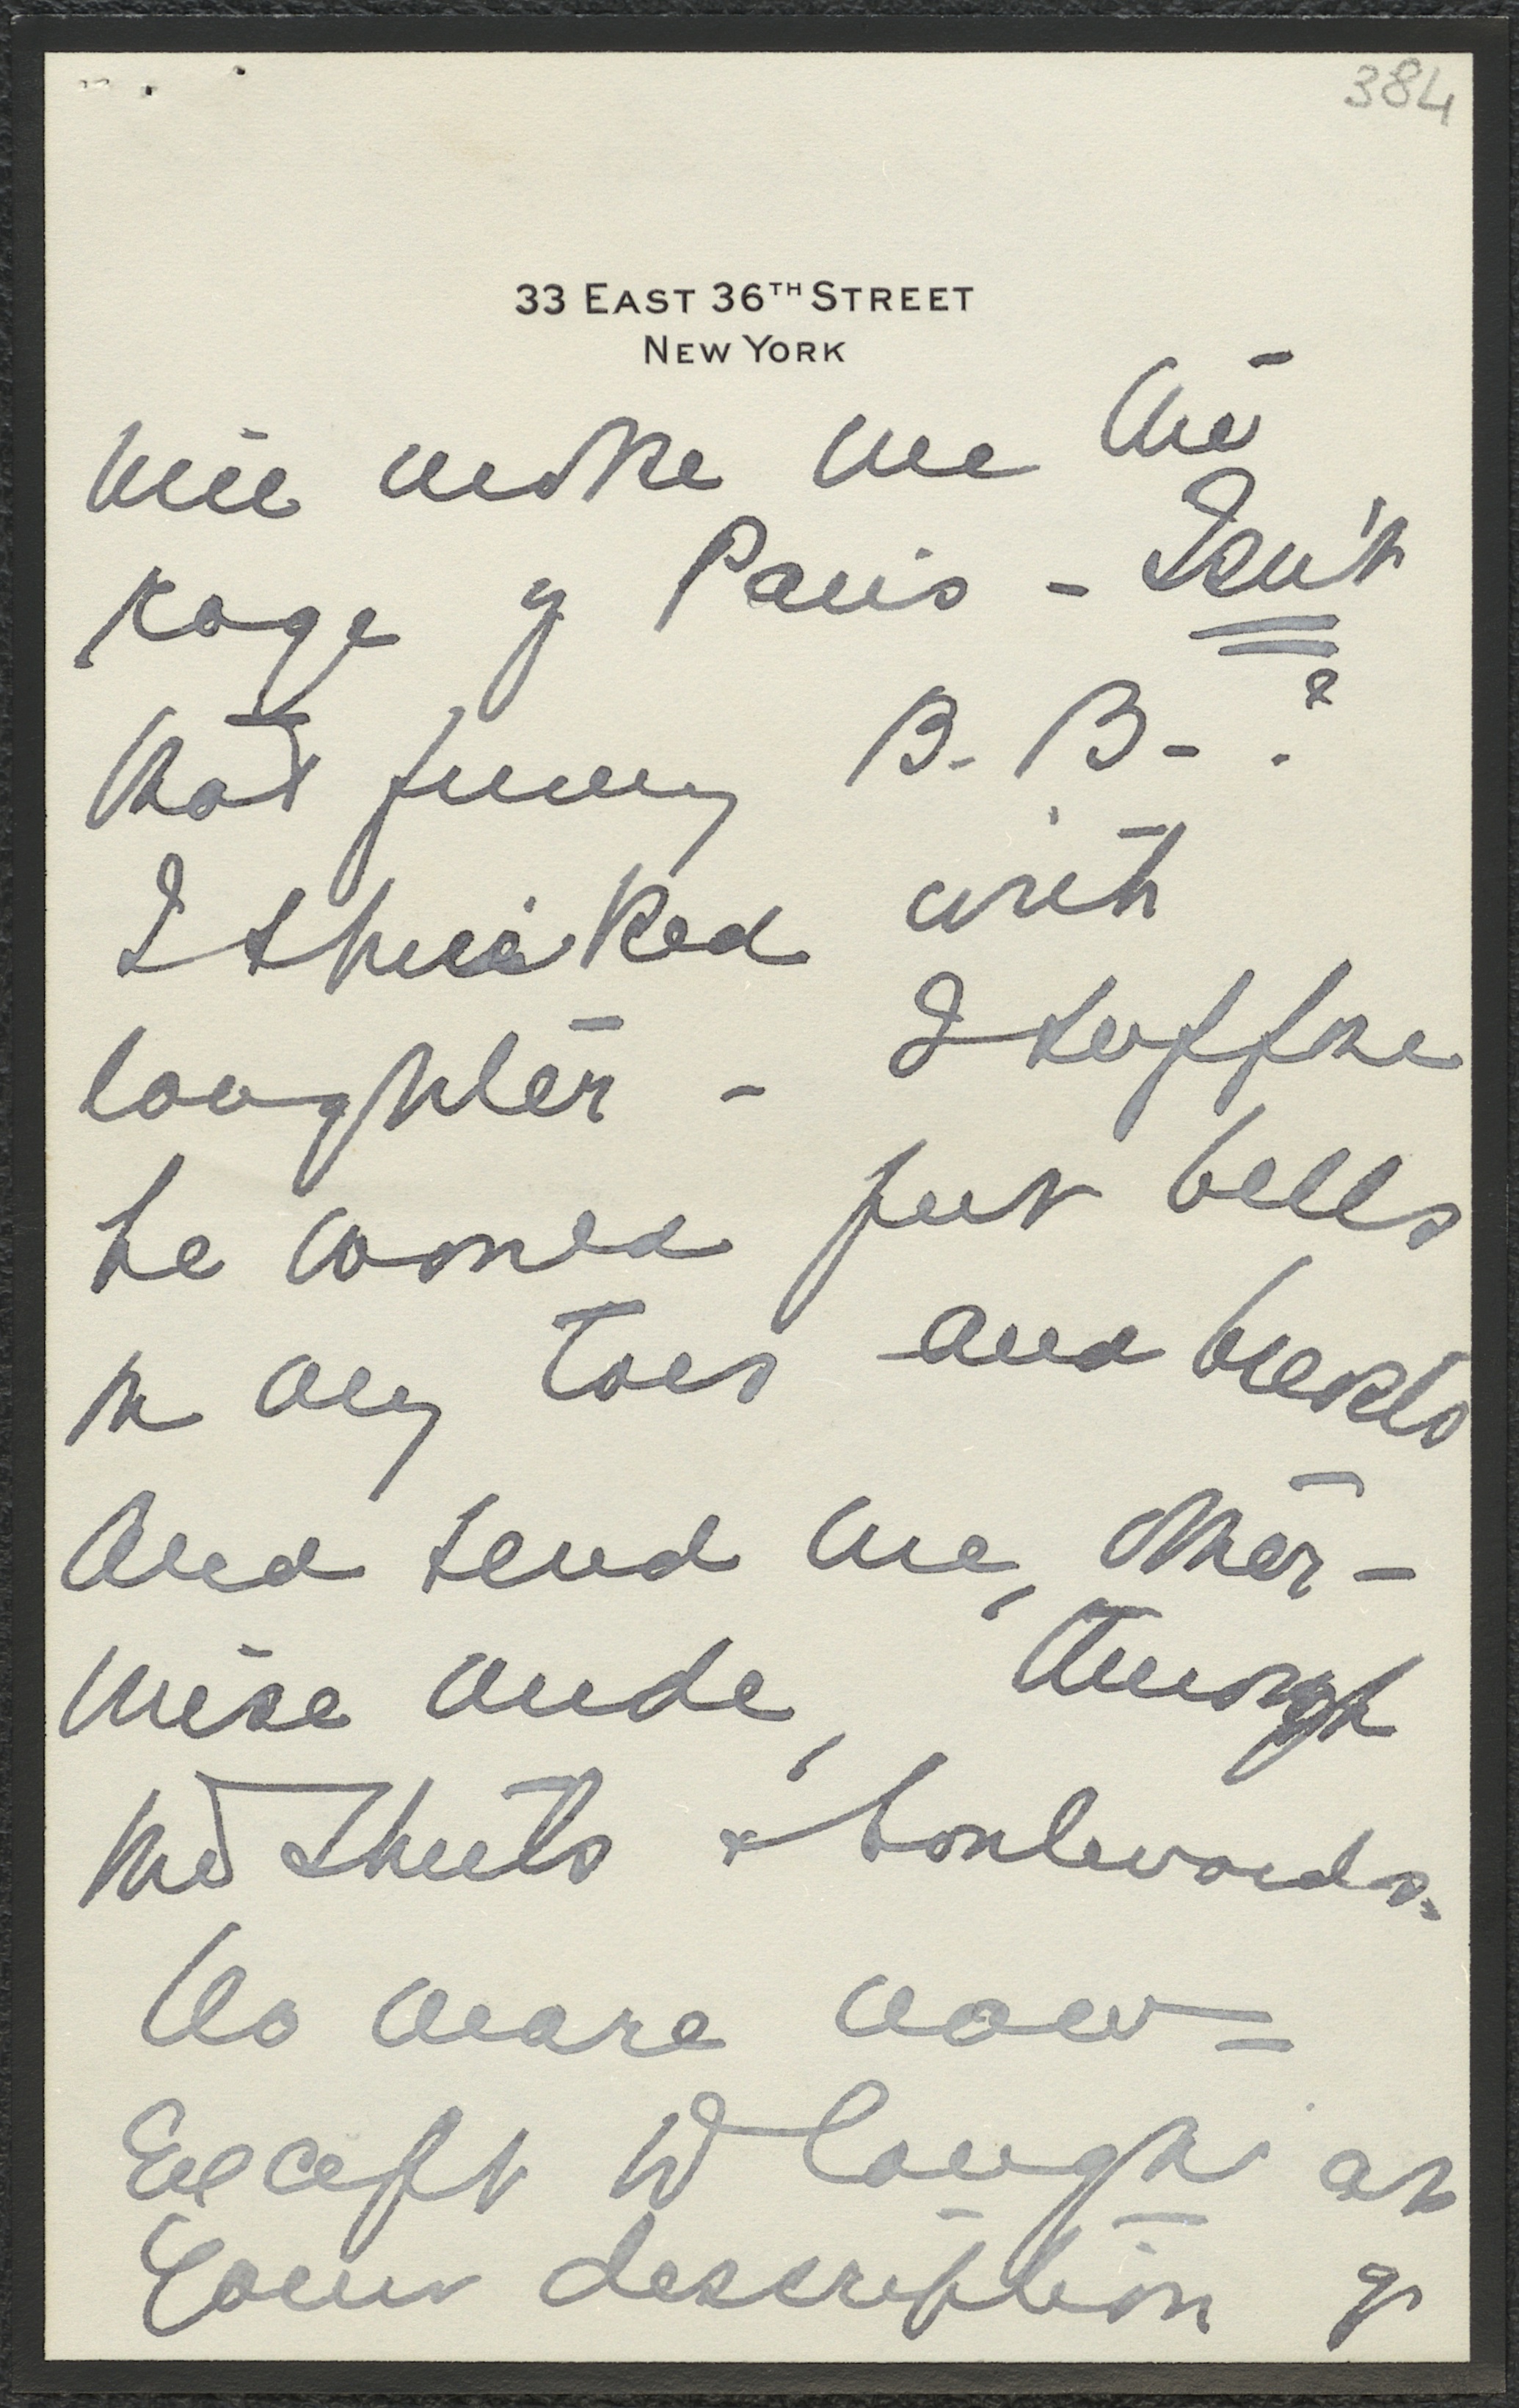will make me the rage of Paris – [double underlined: Isn’t] that funny B.B. – ?
I shrieked with laughter – I suppose he would put bells on my toes and breasts and send me, otherwise nude, through the streets & boulevards.
No more now – except to laugh at your description of